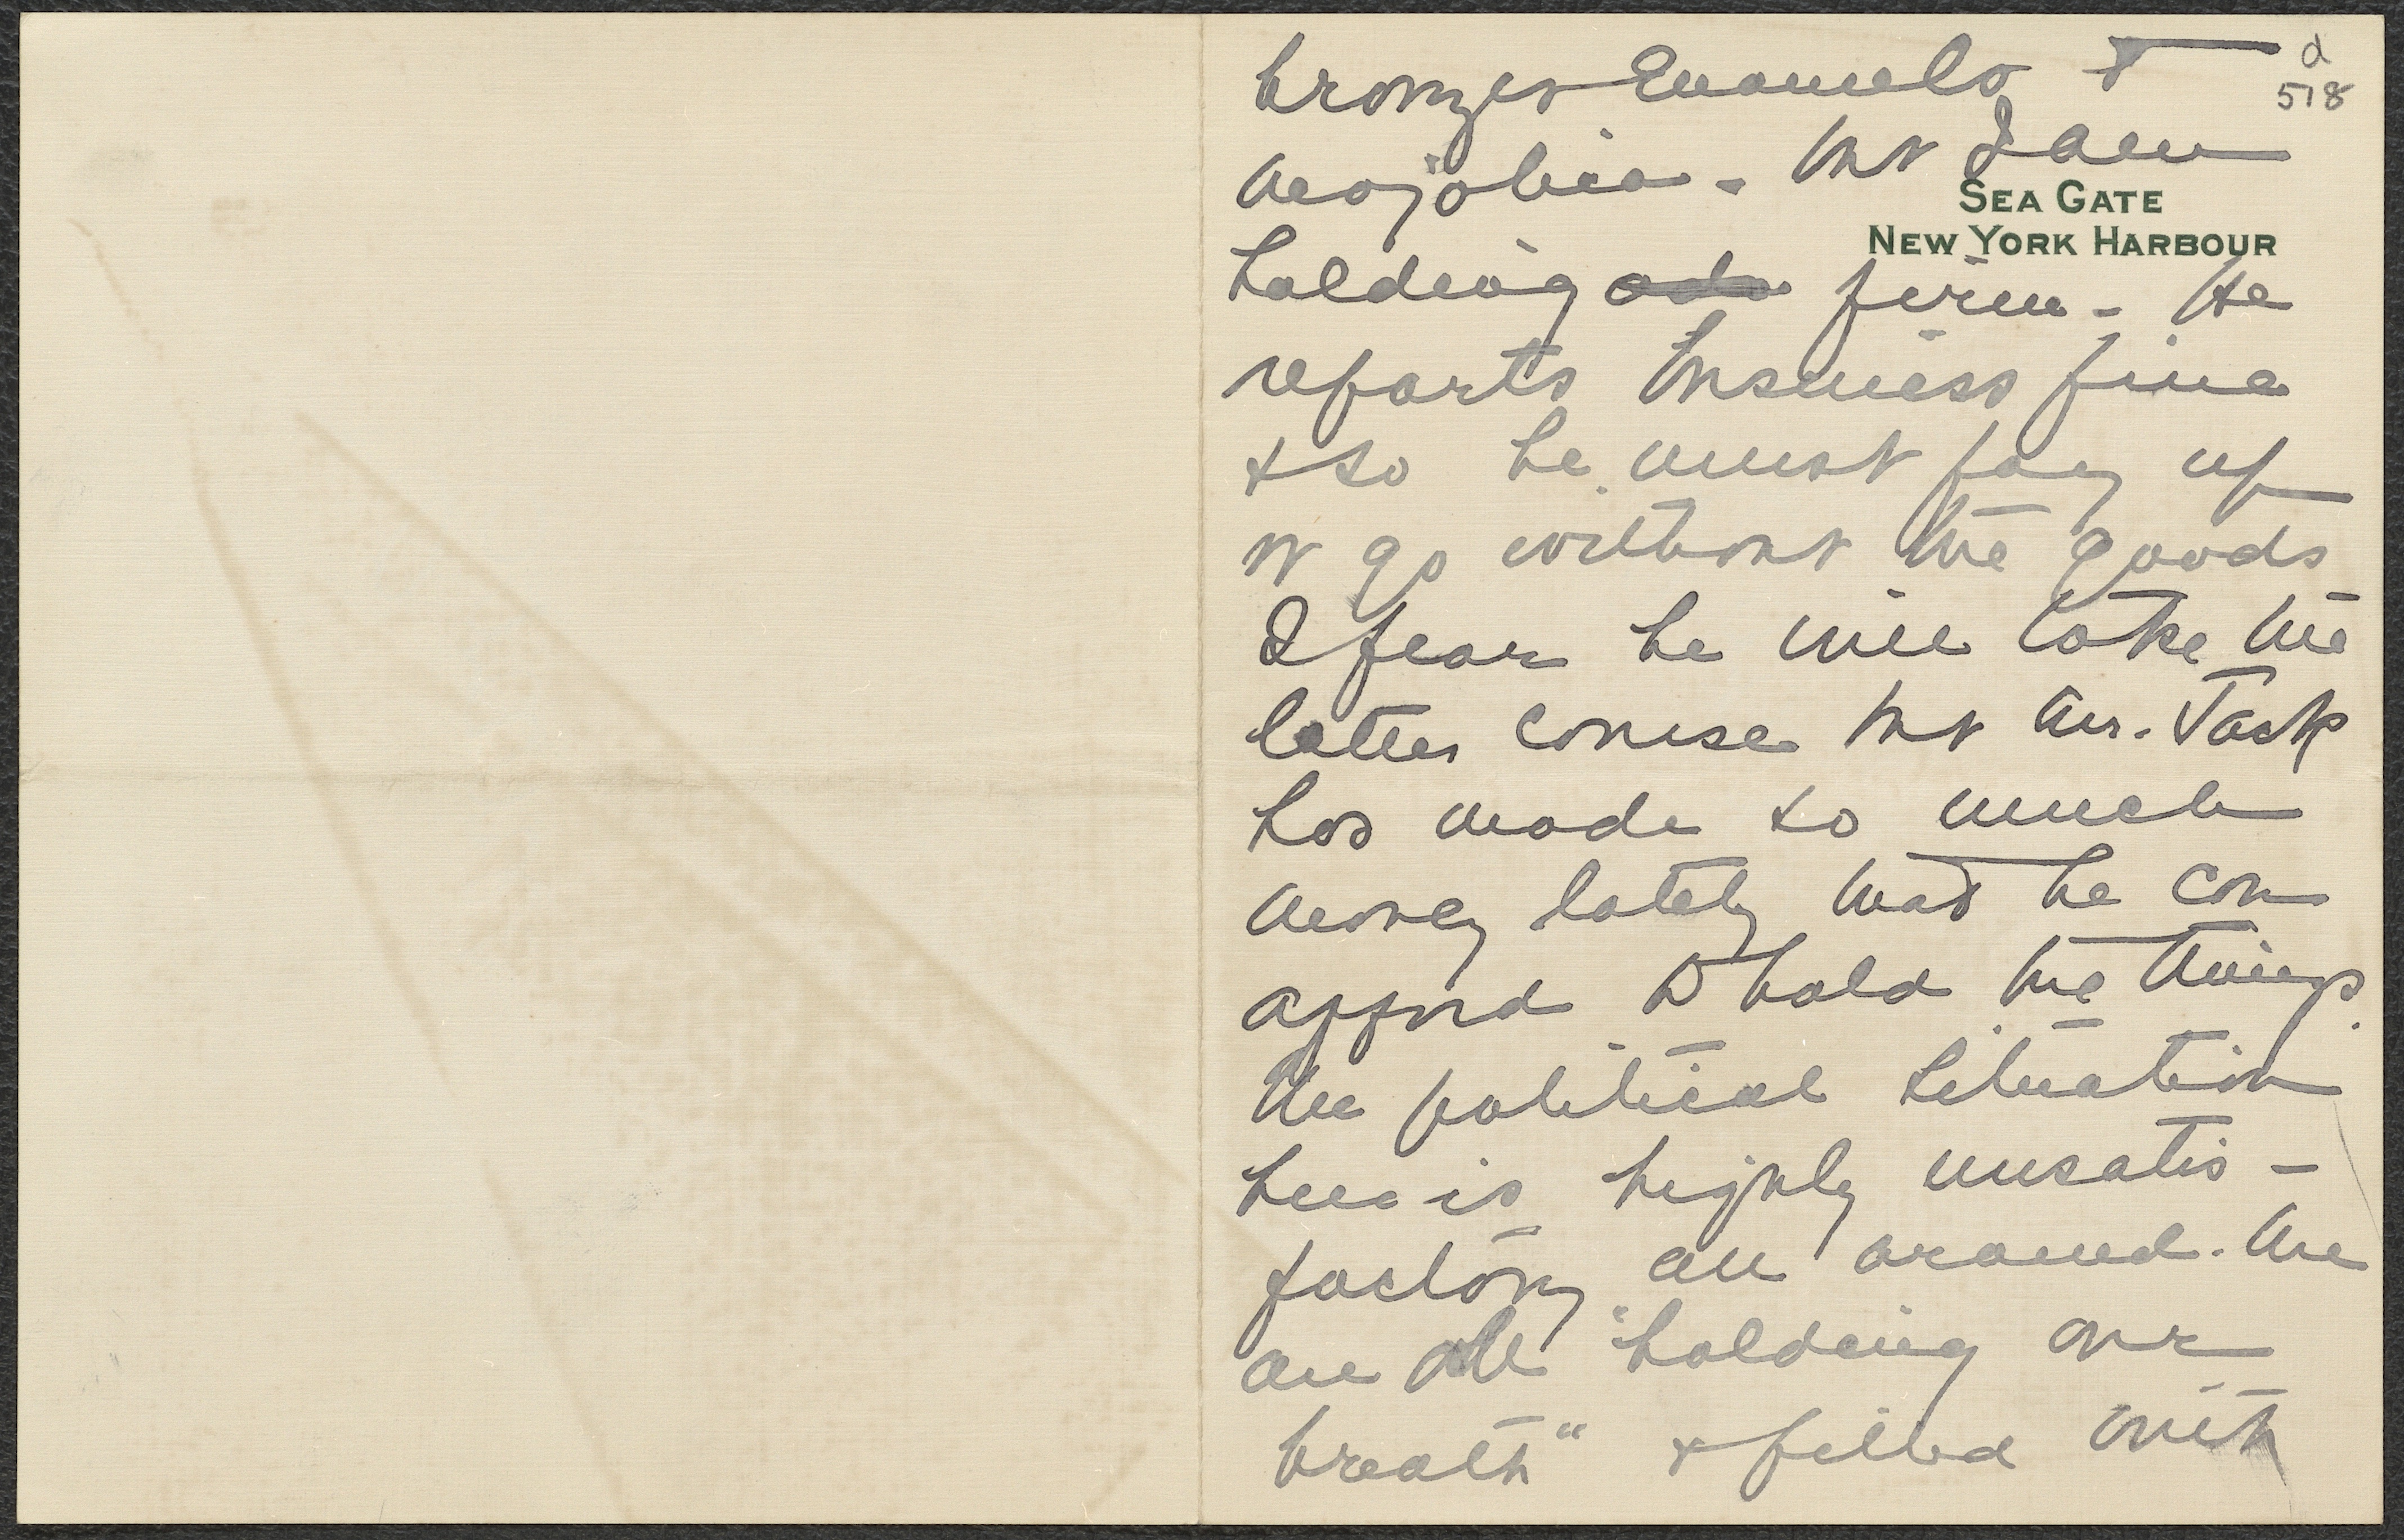bronzes enamels & majolica, but I am holding od firm – He reports business fine & so he must pay up or go without the goods I fear he will take the latter course but Mr. Jack has made so much money lately that he can afford to hold the things. The political situation here is highly unsatisfactory all around. We are all "holding our breath" & filled with